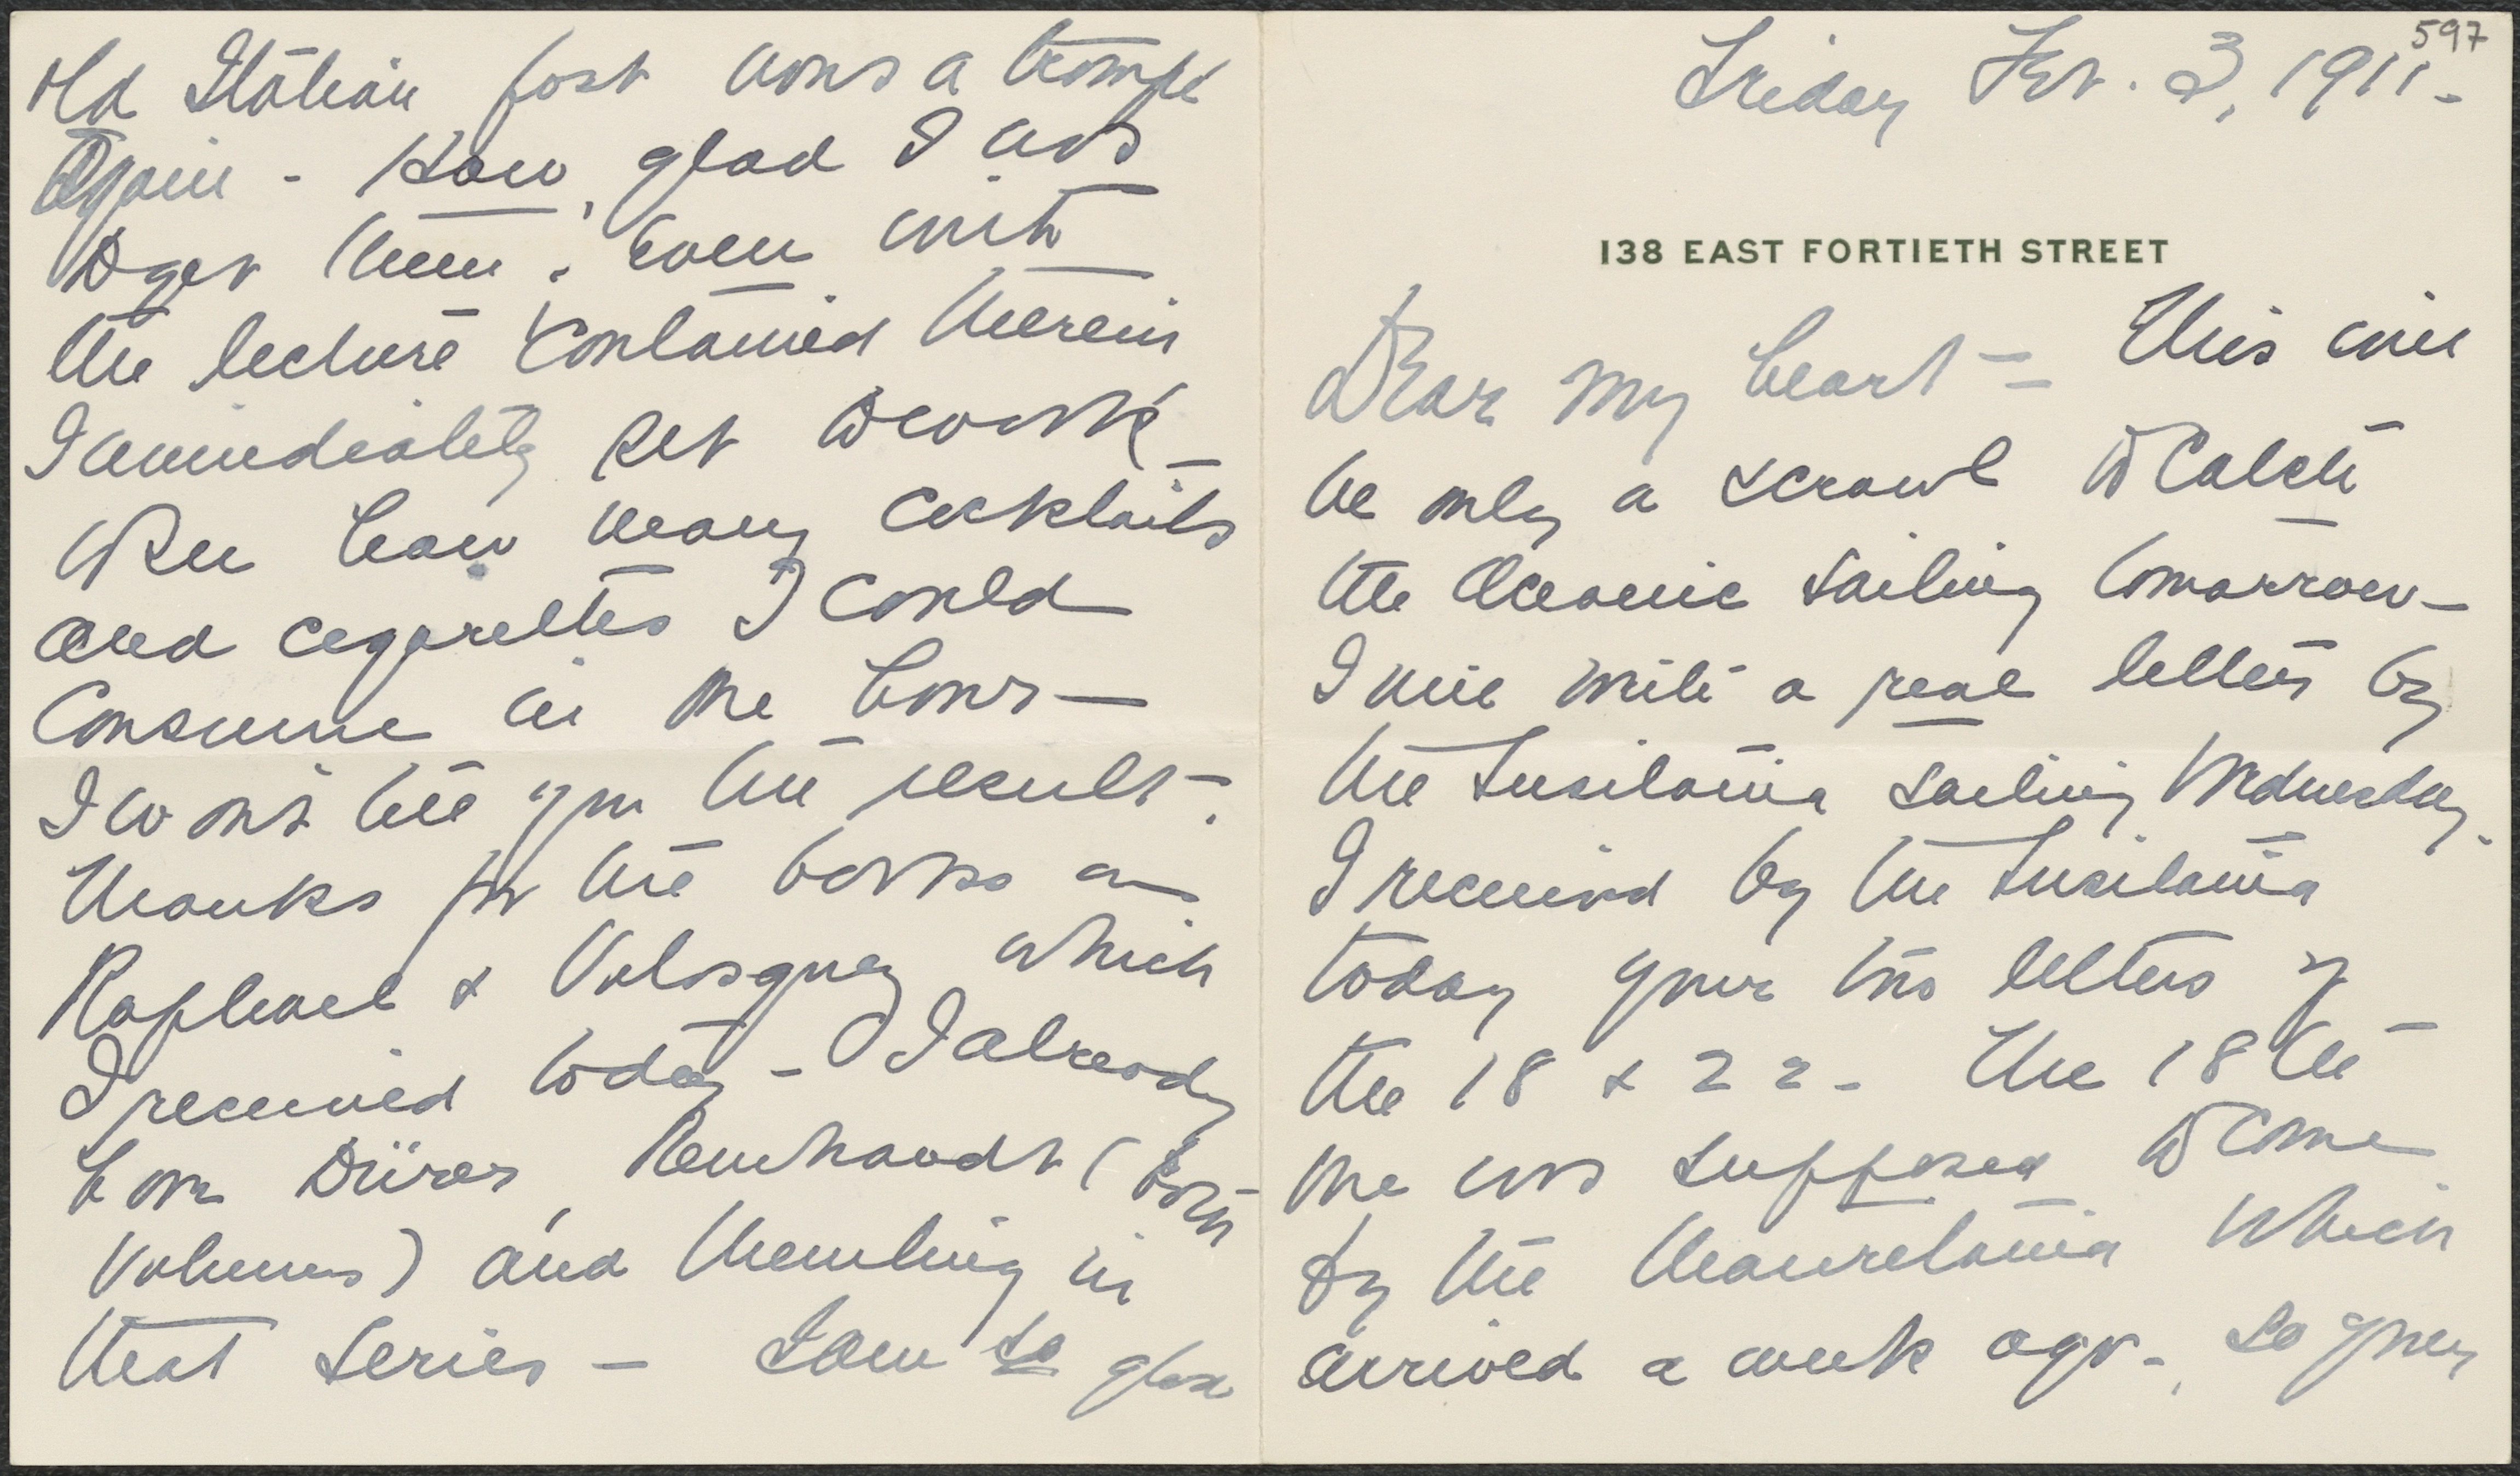Friday Feb. 3, 1911 –
Dear my heart – This will be only a scrawl to catch the Oceanic sailing tomorrow – I will write a real letter by the Lusitania sailing Wednesday – I received by the Lusitania today your two letters of the 18 & 22 – the 18th one was supposed to come by the Mauretania Which arrived a week ago – so your
old Italian post nous a trompé again – How glad I was to get them, even with the lecture contained therein, I immediately set to work to see how many cocktails and cigarettes I could consume in one hour – I won’t tell you the result. Thanks for the books on Raphael & Velasquez which I received today – I already have Dürer, Rembrandt (both Volumes) and Memling in that series – I am so glad